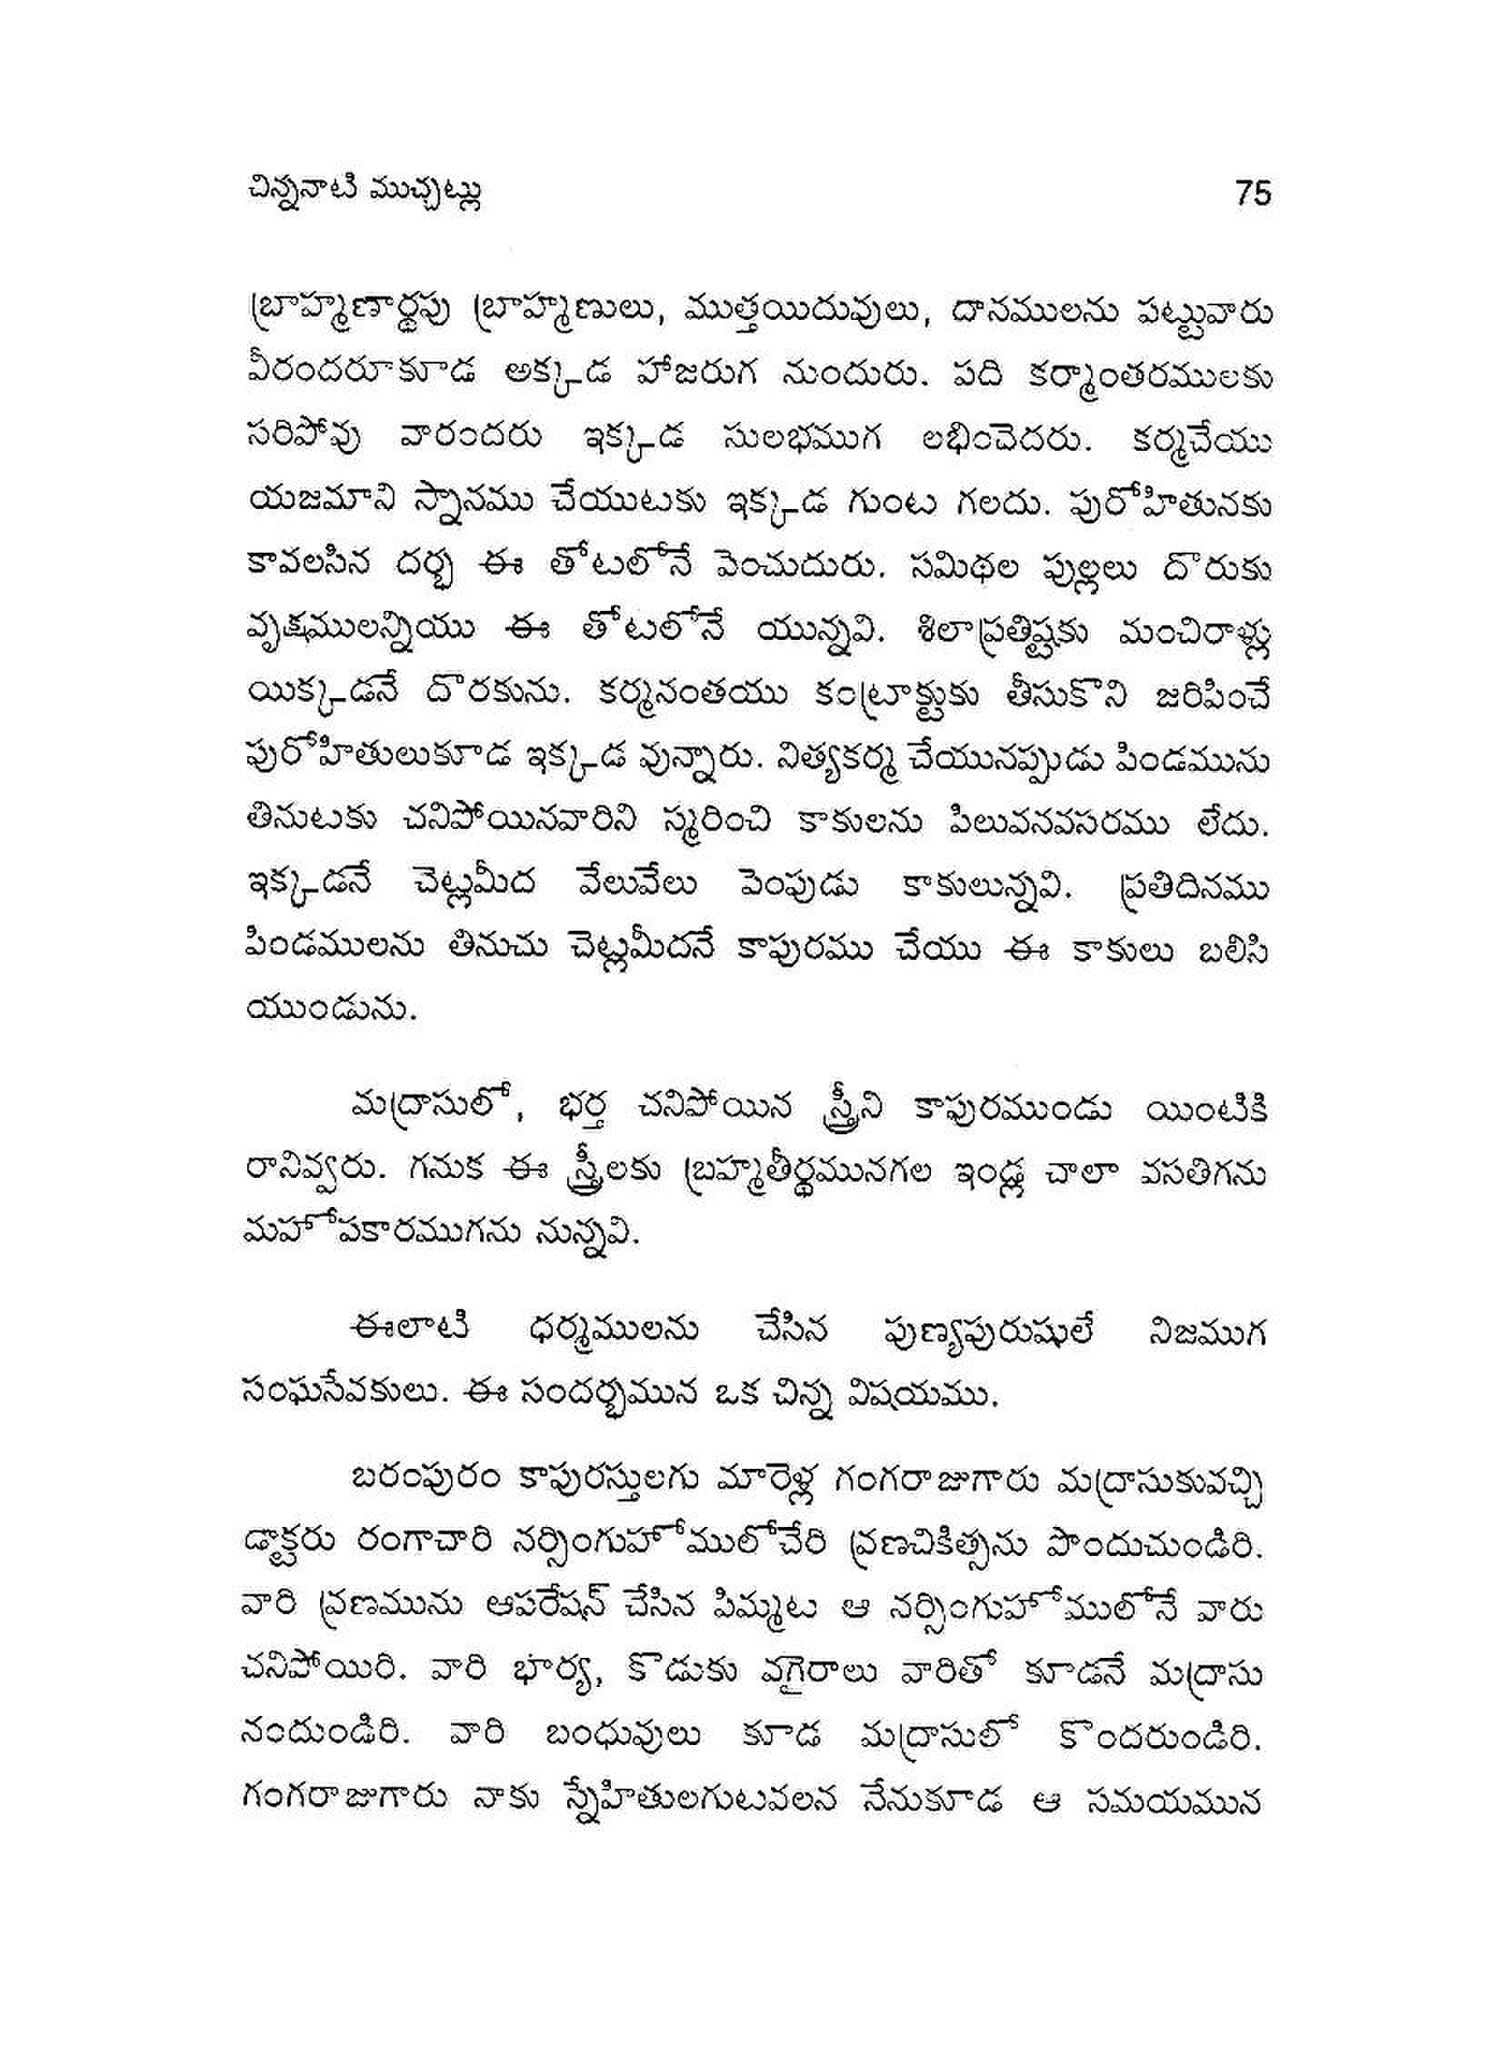బ్రాహ్మణార్ధపు బ్రాహ్మణులు, ముత్తయిదువులు, దానములను పట్టువారు వీరందరూ కూడ అక్కడ హాజరుగ నుందురు. పది కర్మాంతరములకు సరిపోవు వారందరు ఇక్కడ సులభముగ లభించెదరు. కర్మచేయు యజమాని స్నానము చేయుటకు ఇక్కడ గుంట గలదు. పురోహితునకు కావలసిన దర్బ ఈ తోటలోనే పెంచుదురు. సమిథల పుల్లలు దొరుకు వృక్షములన్నియు ఈ తోటలోనే యున్నవి. శిలాప్రతిష్టకు మంచిరాళ్లు యిక్కడనే దొరకును. కర్మనంతయు కంట్రాక్టుకు తీసుకొని జరిపించే పురోహితులుకూడ ఇక్కడ వున్నారు. నిత్యకర్మ చేయునప్పుడు పిండమును తినుటకు చనిపోయినవారిని స్మరించి కాకులను పిలువనవసరము లేదు. ఇక్కడనే చెట్టమీద వేలువేలు పెంపుడు కాకులున్నవి. ప్రతిదినము పిండములను తినుచు చెట్లమీదనే కాపురము చేయు ఈ కాకులు బలిసి యుండును.

మద్రాసులో, భర్త చనిపోయిన స్త్రీని కాపురముండు యింటికి రానివ్వరు. గనుక ఈ స్త్రీలకు బ్రహ్మతీర్ధమునగల ఇండ్ల చాలా వసతిగను మహోపకారముగను నున్నవి.

ఈలాటి ధర్మములను చేసిన పుణ్యపురుషులే నిజముగ సంఘసేవకులు. ఈ సందర్భమున ఒక చిన్న విషయము.

బరంపురం కాపురస్తులగు మారెళ్ల గంగరాజుగారు మద్రాసుకువచ్చి డాక్టరు రంగాచారి నర్సింగుహోములోచేరి వ్రణచికిత్సను పొందుచుండిరి. వారి వ్రణమును ఆపరేషన్ చేసిన పిమ్మట ఆ నర్సింగుహోములోనే వారు చనిపోయిరి. వారి భార్య, కొడుకు వగైరాలు వారితో కూడనే మద్రాసు నందుండిరి. వారి బంధువులు కూడ మద్రాసులో కొందరుండిరి. గంగరాజుగారు నాకు స్నేహితులగుటవలన నేనుకూడ ఆ సమయమున